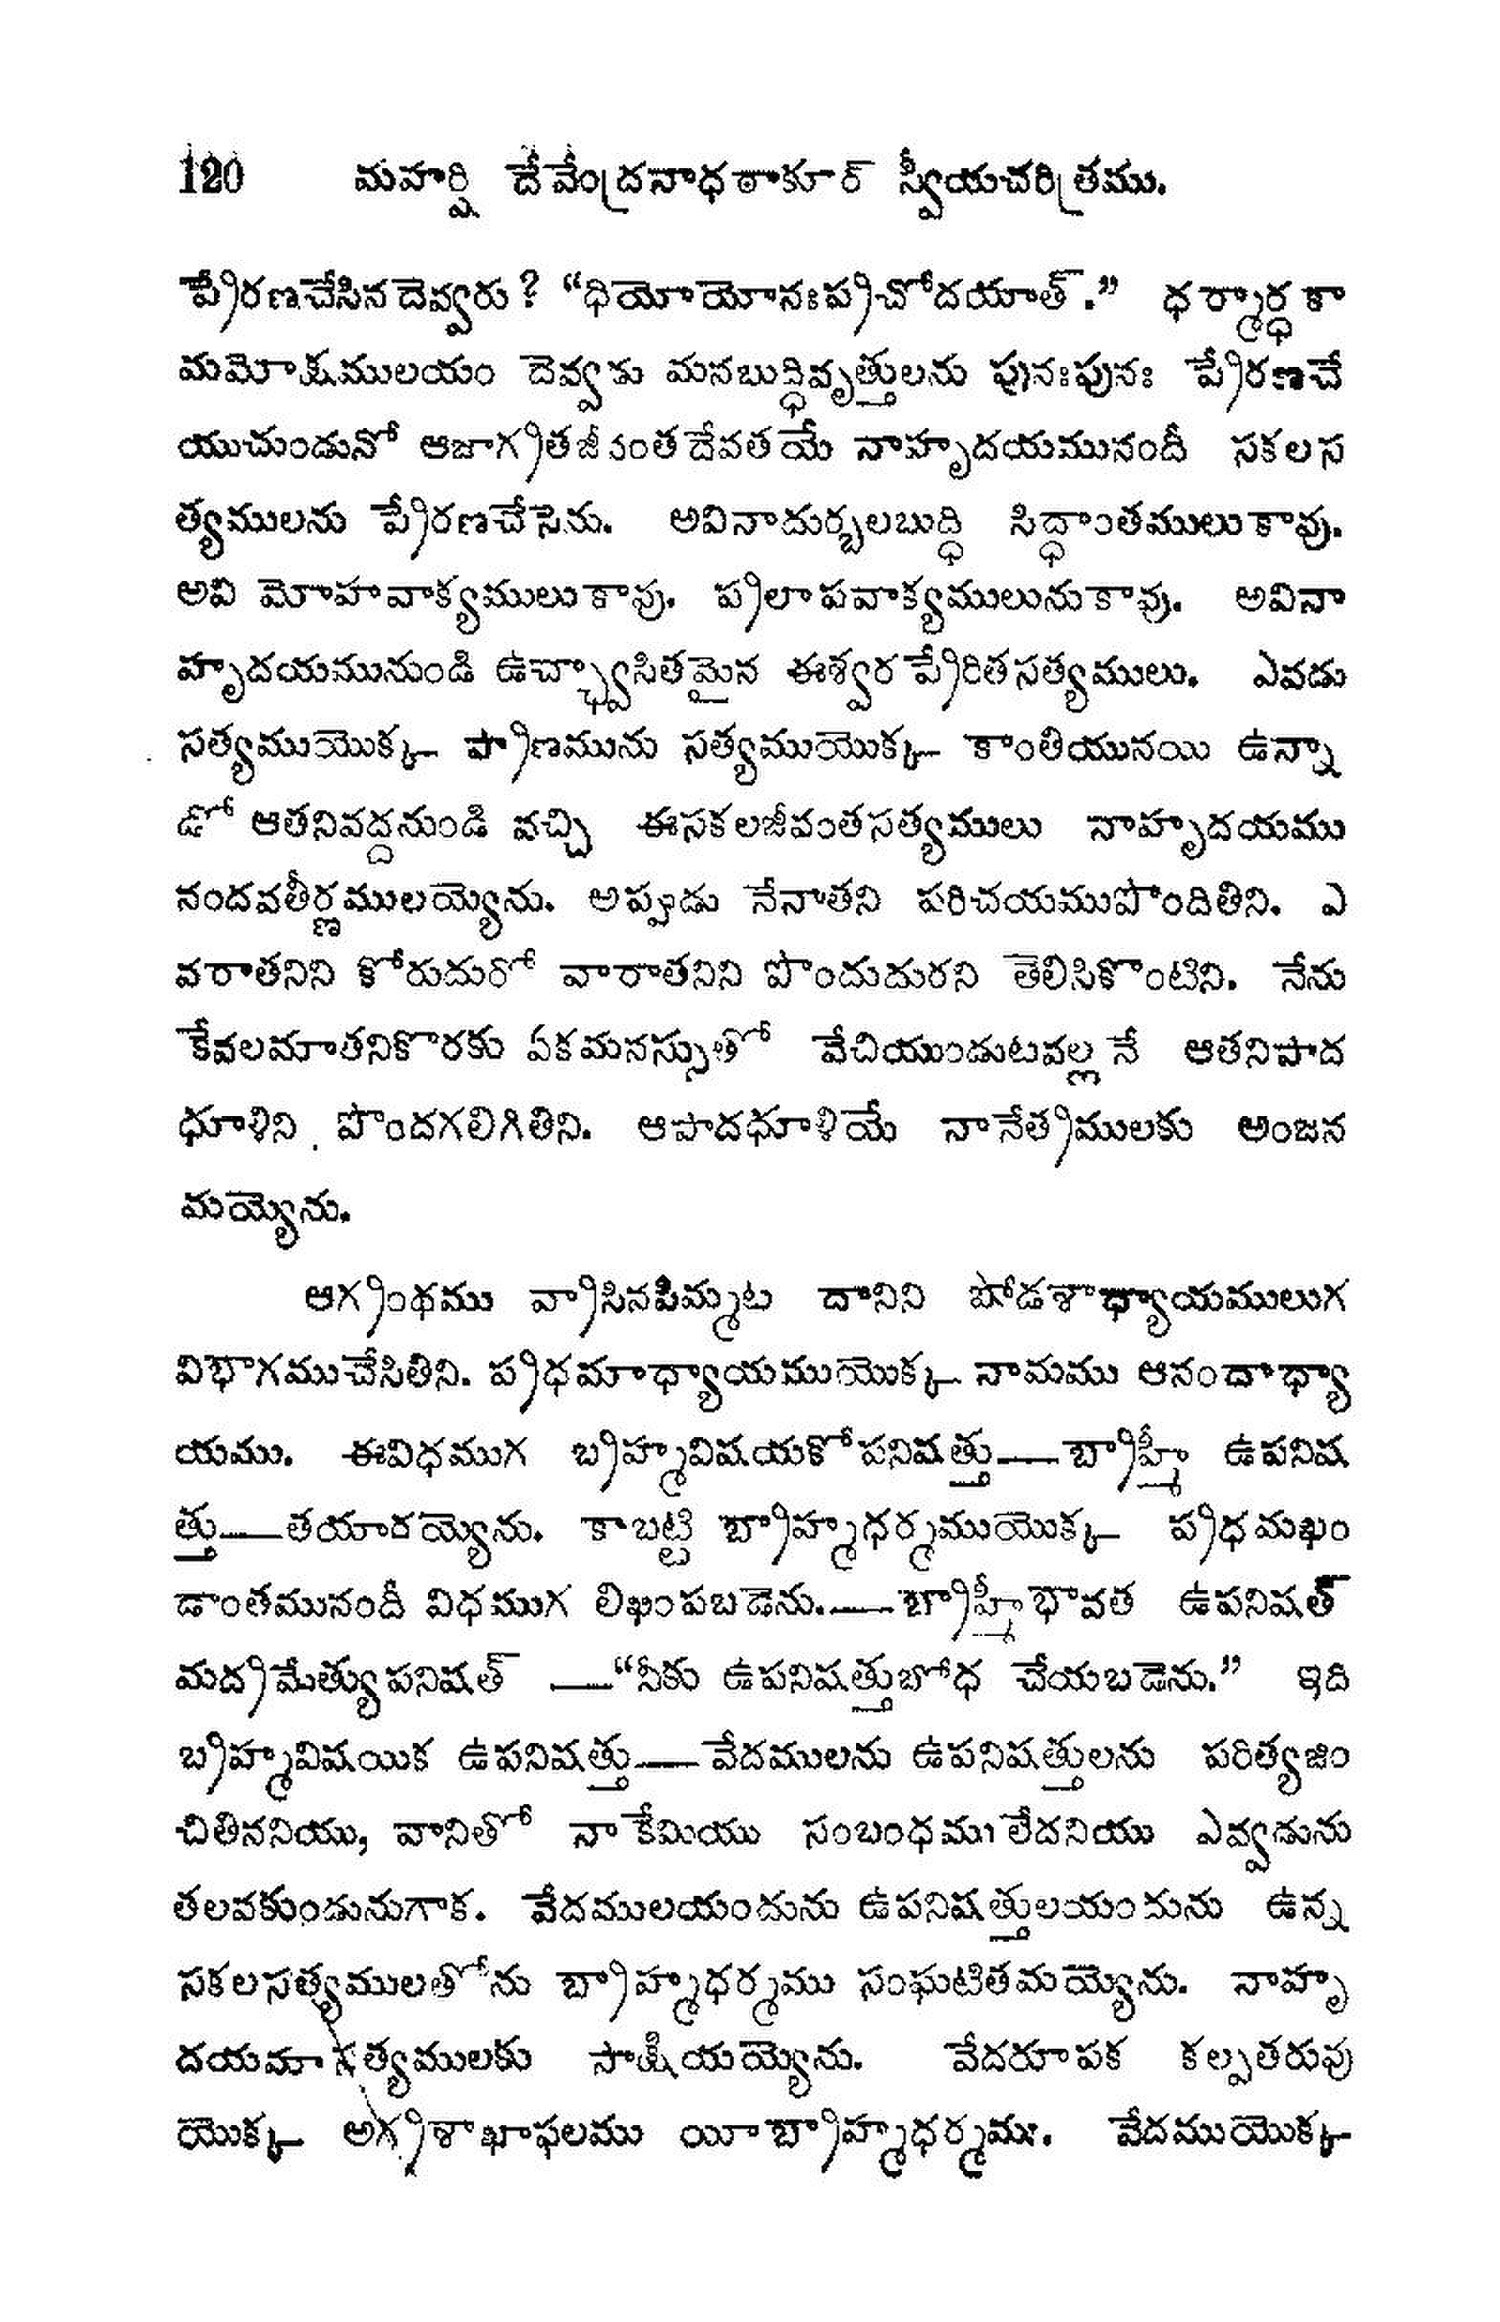ప్రేరణచేసిన దెవ్వరు ? గోధియోయోనః ప్రచోదయాత్." ధర్మార్ధ "
కామమోక్షములయం దెవ్వరు మన బుద్ధివృత్తులను పునః పునః 
ప్రేరణచేయుచుండునో ఆజాగ్రత జీవంత దేవతయే నాహృదయము
నందీ సకలసత్యములను ప్రేరణ చేసెను. అవినాదుర్బల బుద్ధి 
సిద్ధాంతములు కావు. అవి మోహ వాక్యములు కావు. 'ప్రలాపవాక్యములును 
కావు, అవినాహృదయము నుండి ఉచ్ఛ్వాసితమైన ఈశ్వర ప్రేరిత సత్యములు. 
ఎవడు సత్యము యొక్క ప్రాణమును సత్యము యొక్క కాంతియునయి 
ఉన్నా అతనివద్ద నుండి వచ్చి ఈసకల జీవంత సత్యములు నాహృదయము
నందవతీర్ణములయ్యెను. అప్పుడు నేనాతని పరిచయము పొందితిని.
ఎవరాతనిని కోరుదురో వారాతనిని పొందుదురని తెలిసికొంటిని, నేను
కేవలమాతనికొరకు ఏకమనస్సులో వేచియుండుటవల్ల నే ఆతనిపాద
ధూళిని , పొందగలిగితిని. ఆ పొదధూళియే నానేత్రములకు అంజన మయ్యెను.

ఆగ్రంథము వాసిన పిమ్మట దానిని పోడశాధ్యాయములుగ
విభాగము చేసితిని. ప్రధమాధ్యాయము యొక్క నామము ఆనందాధ్యా
యము. ఈవిధముగ బ్రహ్మవిషయకోపనిషత్తు - బాప్తీ ఉపనిష
త్తు...తయారయ్యెను. కాబట్టి 'బాహ్మధర్మము యొక్క ప్రధమ
ఖండాంతమునందీ విధముగ లిఖంపబడెను... బ్రాహ్మీ భావత ఉపనిషత్
మదమేత్యు పనిషత్ “నీకు ఉపనిషత్తుబోధ చేయబడెను.” ఇది
బ్రాహ్మవిషయిక ఉపనిషత్తు.— వేదములను ఉపనిషత్తులను 
పరిత్యజించితిననియు, వానితో నా కేమియు సంబంధము లేదనియు 
ఎవ్వడును తలవకుండును గాక. వేదముల యందును ఉపనిషత్తుల
యందును ఉన్నసకల సత్యములతోను బాహ్మధర్మము సంఘటిత
మయ్యెను. నాహ్రుదయమాసత్యములకు సాక్షియయ్యెను.వేదరూపక 
కల్పతరువుయొక్క అగ్రశాఖాఫలము యీ బాహ్మధర్మము. వేదము యొక్క